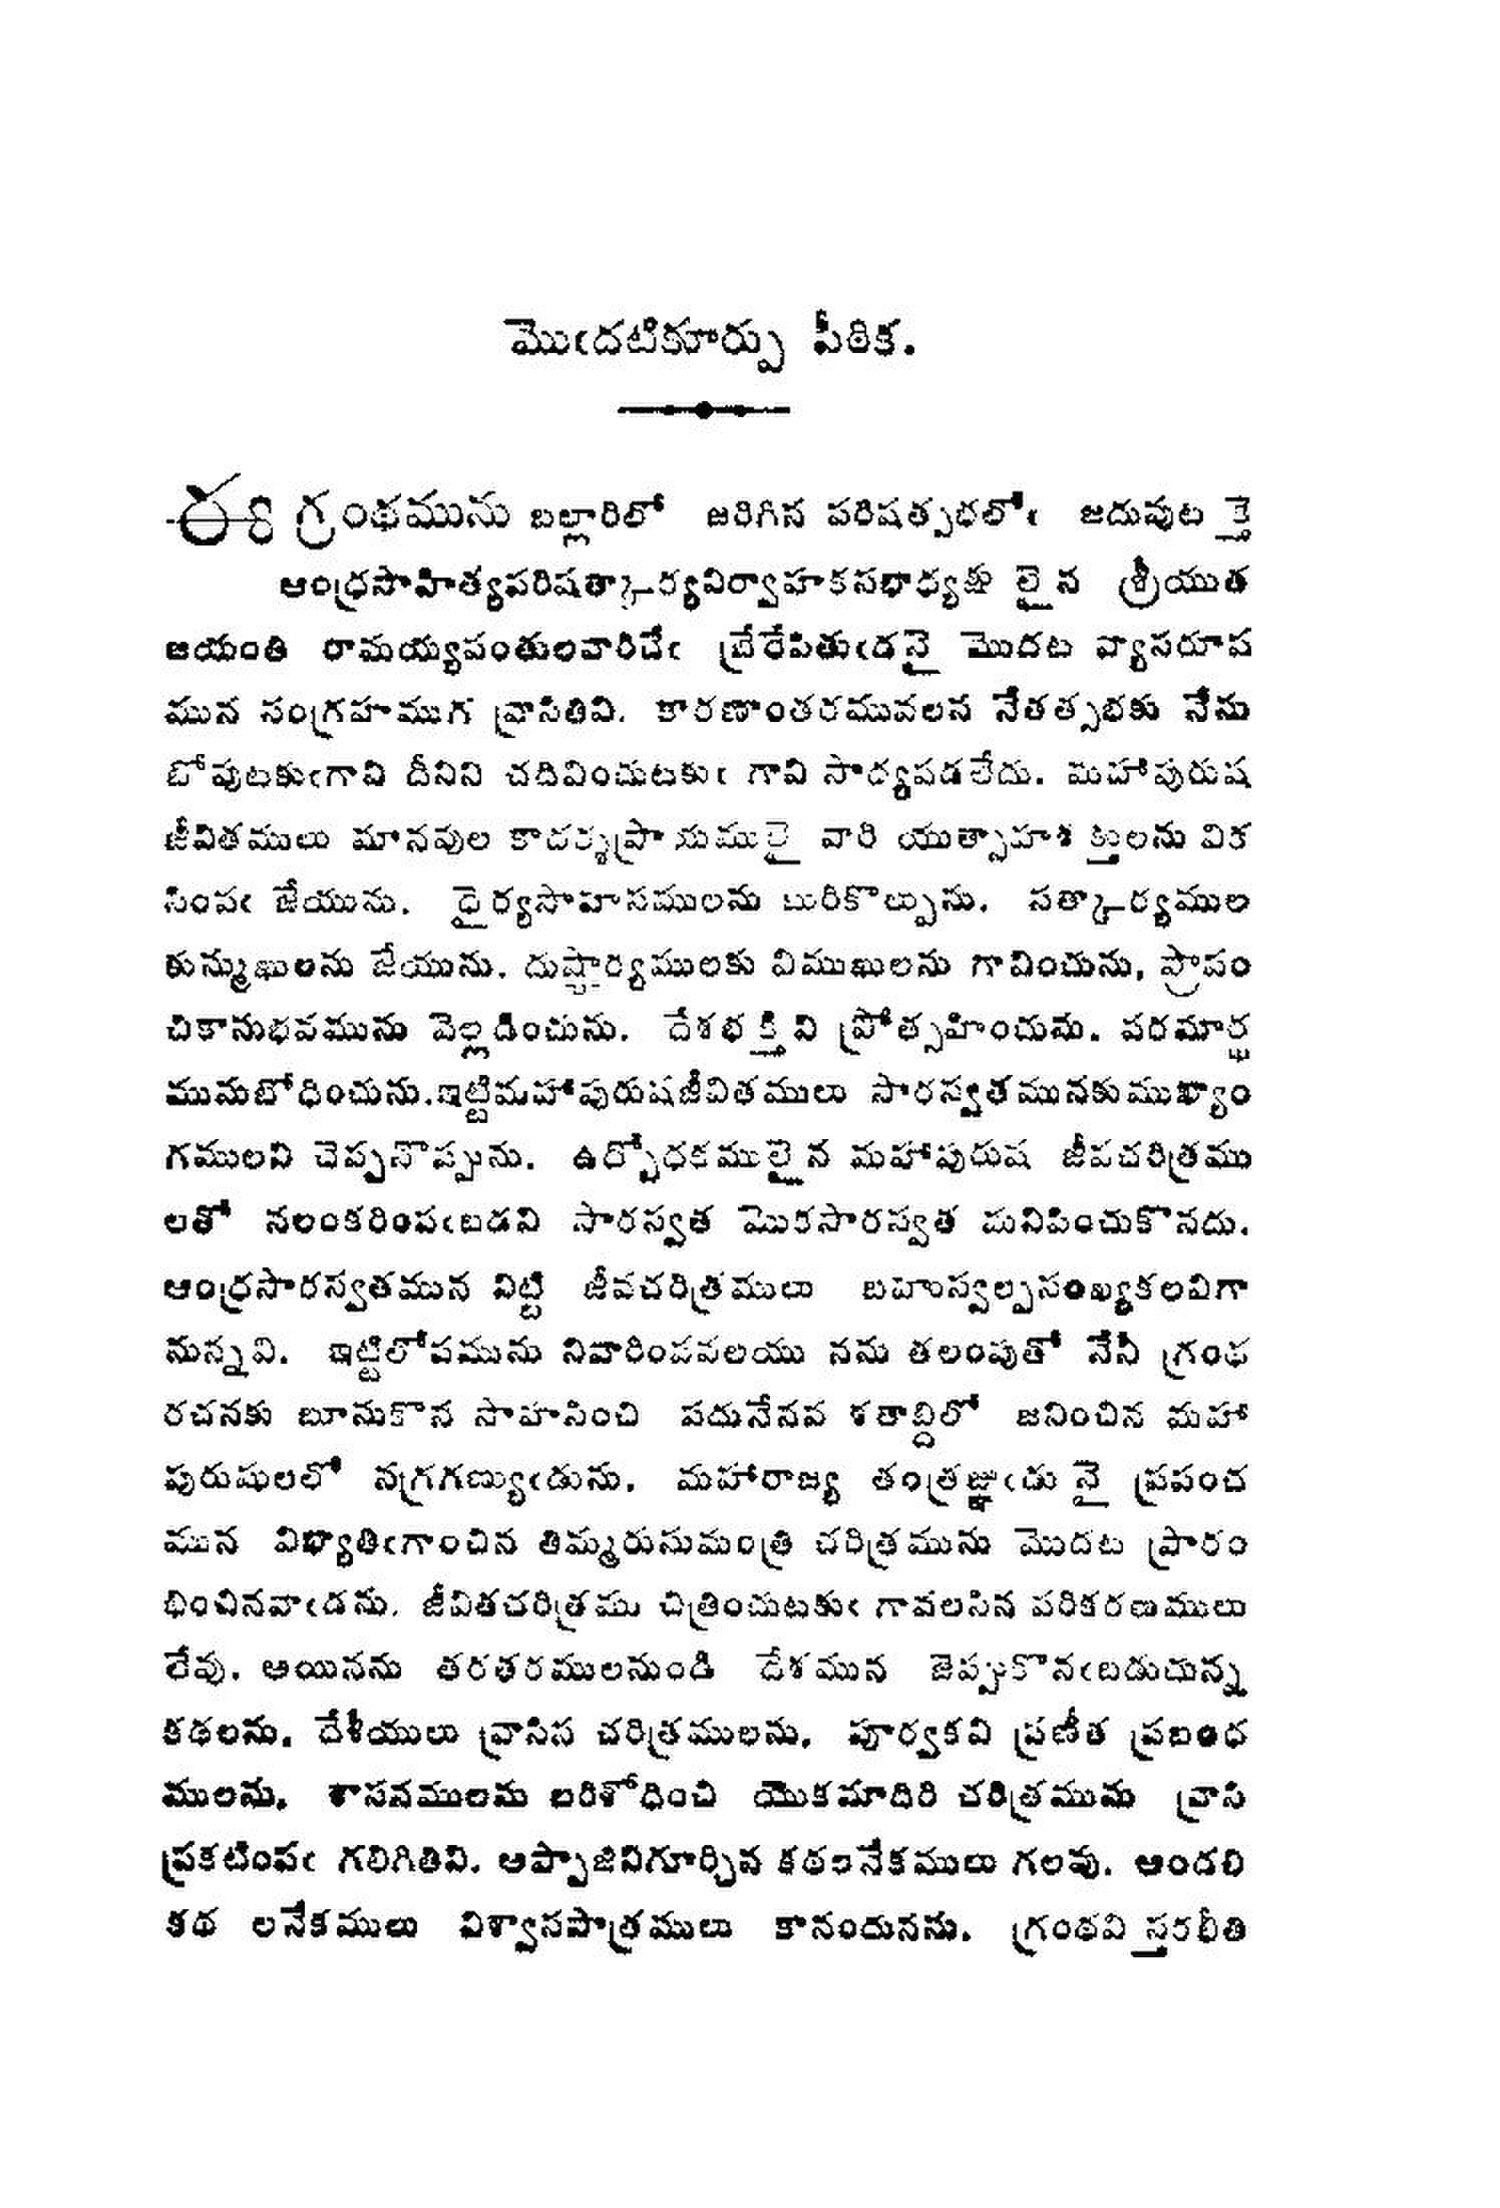మొఁదటికూర్పు పీఠిక.

ఈ గ్రంథమును బల్లారిలో జరిగిన పరిషత్సభలోఁ జదువుట కై ఆంధ్రసాహిత్యపరిషత్కార్యనిర్వాహకసభాధ్యక్షు లైన శ్రీయుత జయంతి రామయ్యపంతులవారిచేఁ బ్రేరేపితుఁడనై మొదట వ్యాసరూపమున సంగ్రహముగ వ్రాసితిని. కారణాంతరమువలన నేతత్సభకు నేను బోవుటకుఁగాని దీనిని చదివించుటకుఁ గాని సాధ్యపడలేదు. మహాపురుష జీవితములు మానవుల కాదర్శప్రాయములై వారి యుత్సాహశక్తులను వికసింపఁ జేయును. ధైర్యసాహసములను బురికొల్పును. సత్కార్యముల కున్ముఖులను జేయును. దుష్కార్యములకు విముఖులను గావించును, ప్రాపంచికానుభవమును వెల్లడించును. దేశభక్తిని ప్రోత్సహించును. పరమార్థమునుబోధించును. ఇట్టిమహాపురుషజీవితములు సారస్వతమునకు ముఖ్యాంగములని చెప్పనొప్పును. ఉద్బోధకములైన మహాపురుష జీవచరిత్రములతో నలంకరింపఁబడని సారస్వత మొకసారస్వత మనిపించుకొనదు. ఆంధ్రసారస్వతమున నిట్టి జీవచరిత్రములు బహుస్వల్పసంఖ్యకలవిగా నున్నవి. ఇట్టిలోపమును నివారించవలయు నను తలంపుతో నేనీ గ్రంథ రచనకు బూనుకొన సాహసించి పదునేనవ శతాబ్దిలో జనించిన మహాపురుషులలో నగ్రగణ్యుఁడును. మహారాజ్య తంత్రజ్ఞుఁడు నై ప్రపంచమున విఖ్యాతిఁగాంచిన తిమ్మరుసుమంత్రి చరిత్రమును మొదట ప్రారంభించినవాఁడను. జీవితచరిత్రము చిత్రించుటకుఁ గావలసిన పరికరణములు లేవు. అయినను తరతరములనుండి దేశమున జెప్పుకొనఁబడుచున్న కథలను, దేశీయులు వ్రాసిన చరిత్రములను, పూర్వకవి ప్రణీత ప్రబంధములను. శాసనములను బరిశోధించి యొకమాదిరి చరిత్రముము వ్రాసి ప్రకటింపఁ గలిగితిని. అప్పాజినిగూర్చిన కథలనేకములు గలవు. అందలి కథ లనేకములు విశ్వాసపాత్రములు కానందునను. గ్రంథవిస్తరభీతి